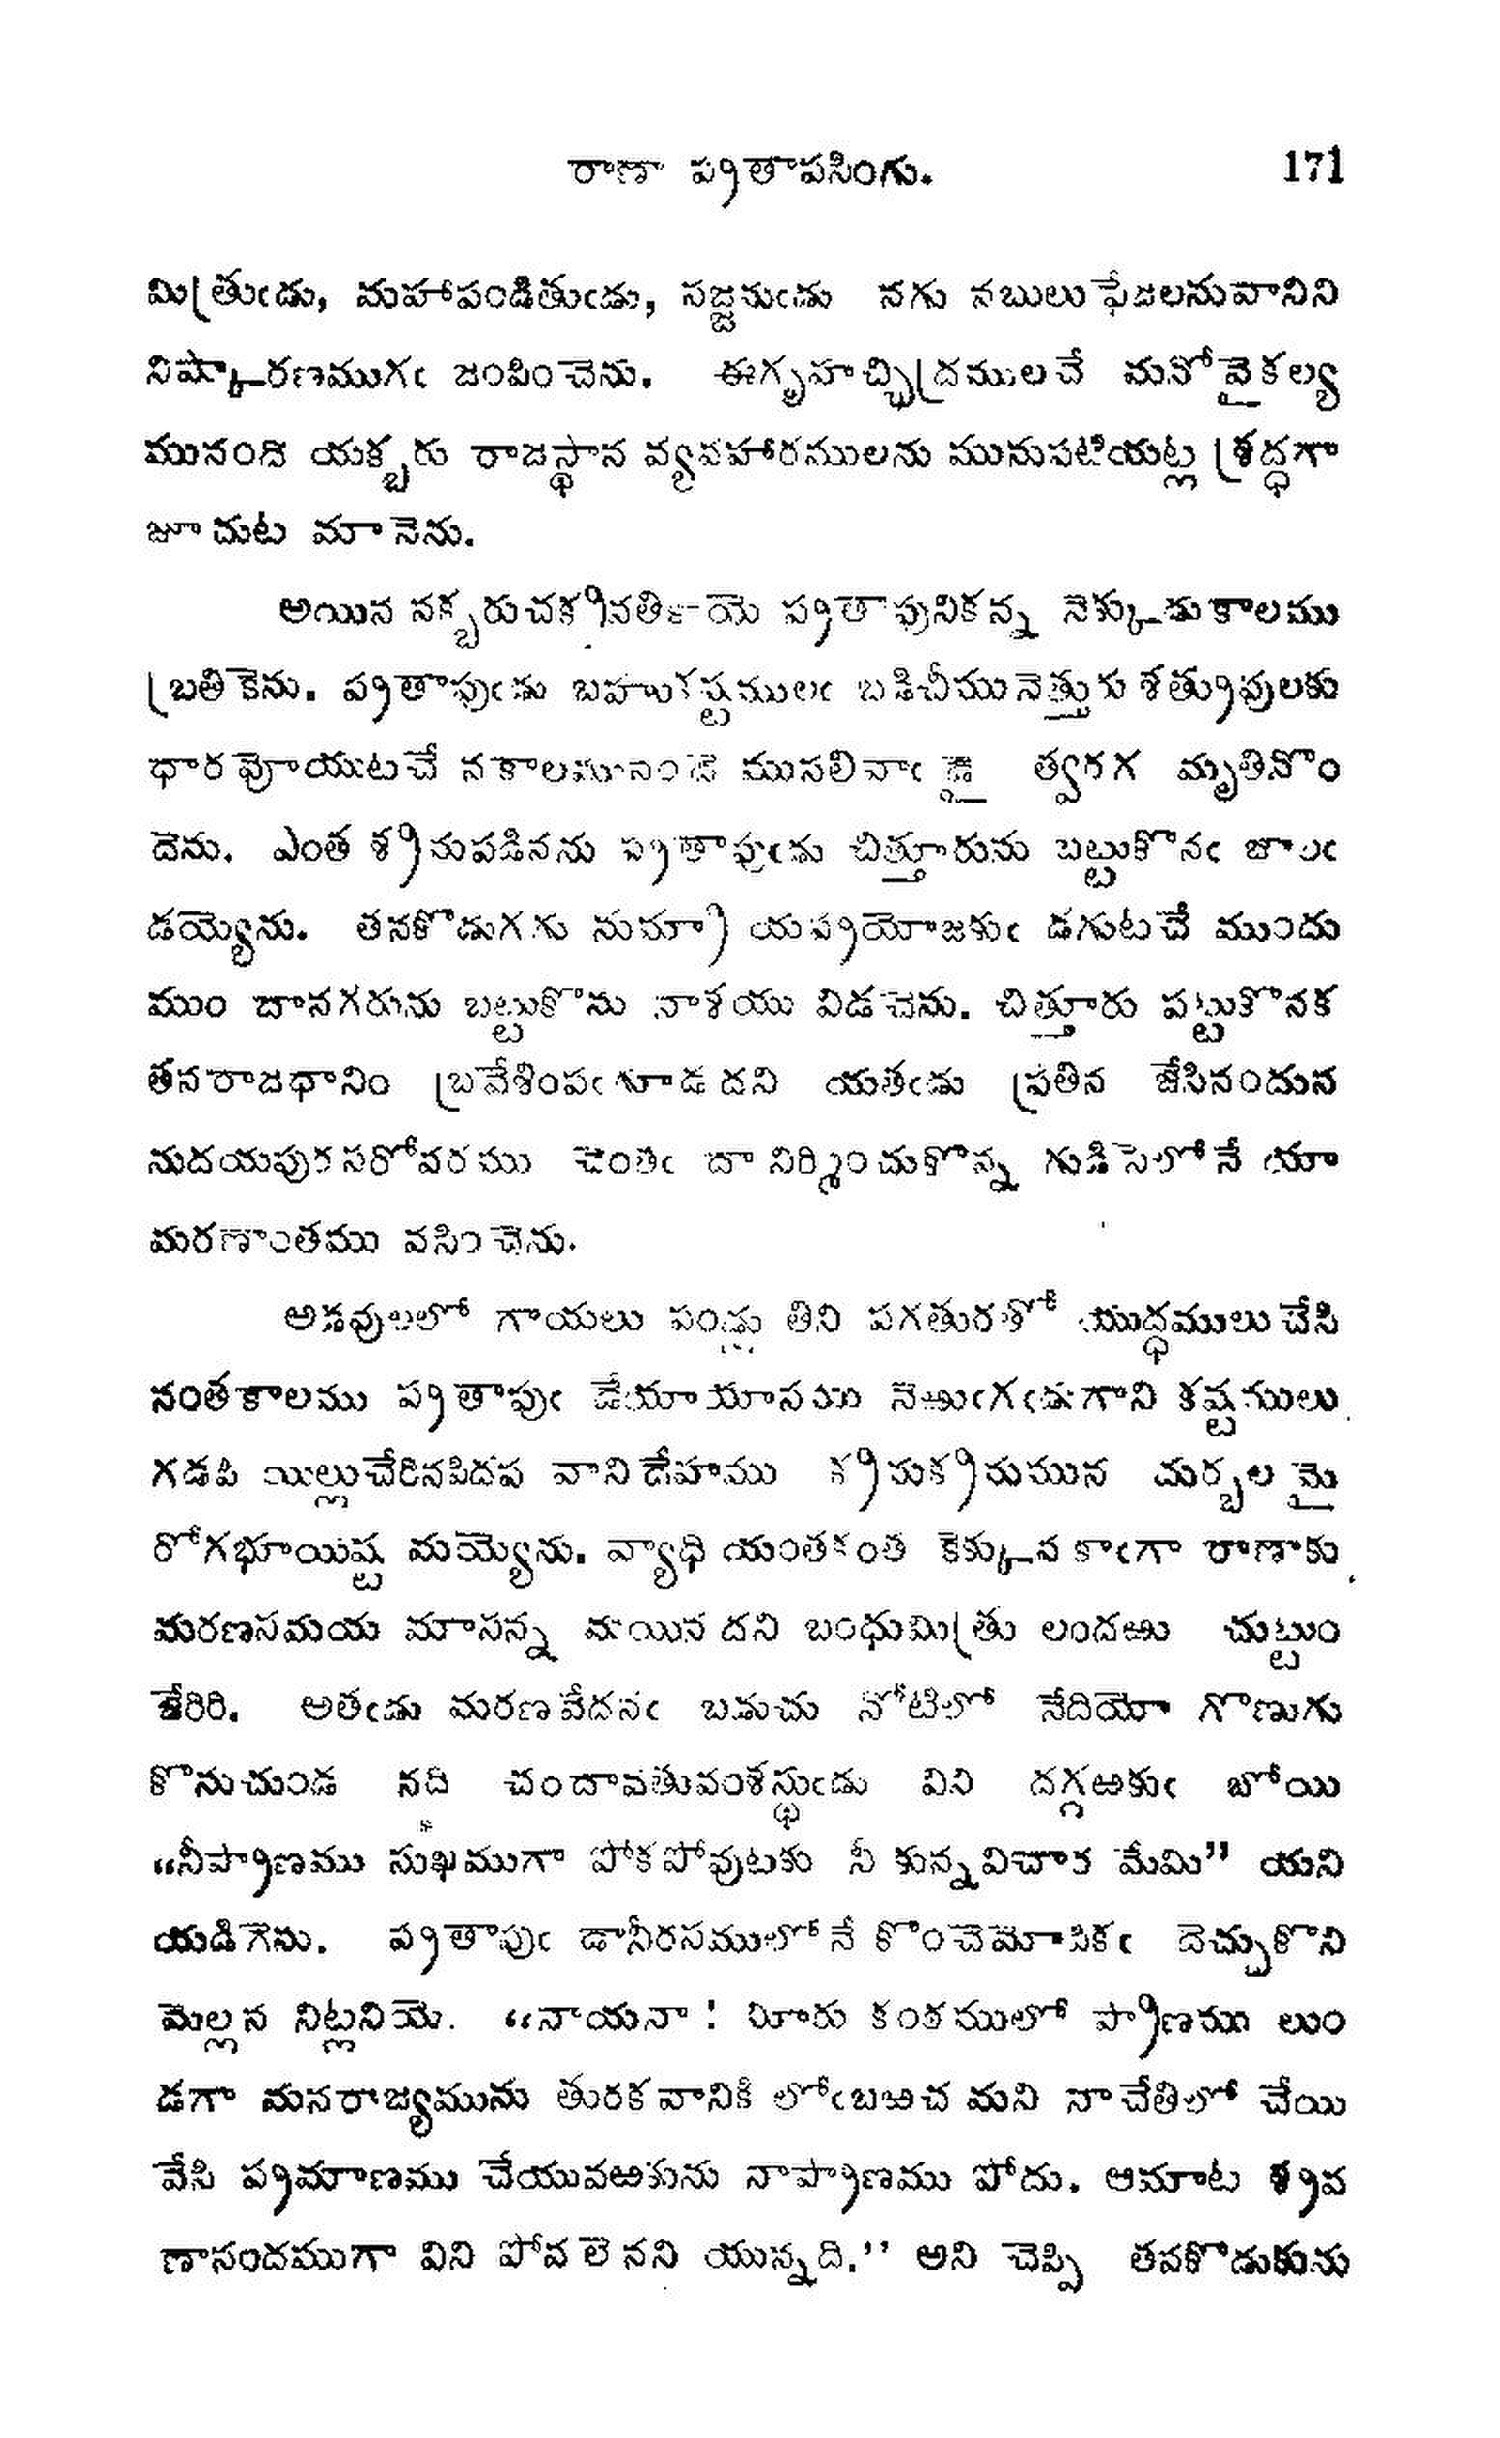మిత్రుఁడు, మహాపండితుఁడు, సజ్జనుఁడు నగు నబులు ఫేడలను వానిని నిష్కారణముగఁ జంపించెను. ఈగృహచ్ఛిద్రములచే మనో వైకల్య
మునంది యక్బరు రాజస్థాన వ్యవహారములను మునుపటియట్ల శ్రద్ధగా జూచుట మానెను.

అయిన నక్బరుచక్రవతి౯యె ప్రతాపునికన్న నెక్కుడు కాలము బ్రతికెను. ప్రతాపుఁడు బహుకష్టములఁ బడిచీము నెత్తురు శత్రువులకు
ధార వోయుటచే నకాలమునందె ముసలివాఁడై త్వరగ మృతినొందెను. ఎంత శ్రమపడినను ప్రతాపుఁడు చిత్తూరును బట్టుకొనఁ జాలఁ
డయ్యెను. తనకొడుగకు నుమ్రా యప్రయోజకుఁ డగుటచే ముందు ముం దానగరును బట్టుకొను నాశయు విడచెను. చిత్తూరు పట్టుకొనక
తన రాజధానిం బ్రవేశింపఁ గూడదని యతఁడు ప్రతిన జేసినందున నుదయపుర సరోవరము చెంతఁ దా నిర్మించుకొన్న గుడిసెలోనే యా
మరణాంతము వసించెను.

అడవులలో గాయలు పండ్లు తిని పగతురతో యుద్ధములు చేసి నంత కాలము ప్రతాపుఁ డేయా యాసము నెఱుఁగఁడు గాని కష్టములు.
గడపి యిల్లు చేరిన పిదప వాని దేహము క్రమక్రమమున దుర్బలమై రోగ భూయిష్ట మయ్యెను. వ్యాధి యంతకంత కెక్కువ కాఁగా రాణాకు,
మరణసమయ మాసన్న మయినదని బంధుమిత్రు లందఱు చుట్టుం జేరిరి. అతఁడు మరణ వేదనఁ బడుచు నోటిలో నేదియో గొణుగు
కొనుచుండ నది చందావతువంశస్థుఁడు విని దగ్గఱకుఁ బోయి "నీ ప్రాణము సుఖముగా పోకపోవుటకు నీ కున్న విచారమేమి" యని
యడిగేను. ప్రతాపుఁ డానీరసములోనే కొంచెమోపికఁ దెచ్చుకొని మెల్లన నిట్లనియె. "నాయనా! మీరు కంఠములో ప్రాణము లుండగా మన రాజ్యమును తురక వానికి లోఁబఱచ మని నా చేతిలో చేయి వేసి ప్రమాణము చేయువఱకును నాప్రాణము పోదు. ఆమాట శ్రవణానందముగా విని పోవలెనని యున్నది" అని చెప్పి తనకోడుకును